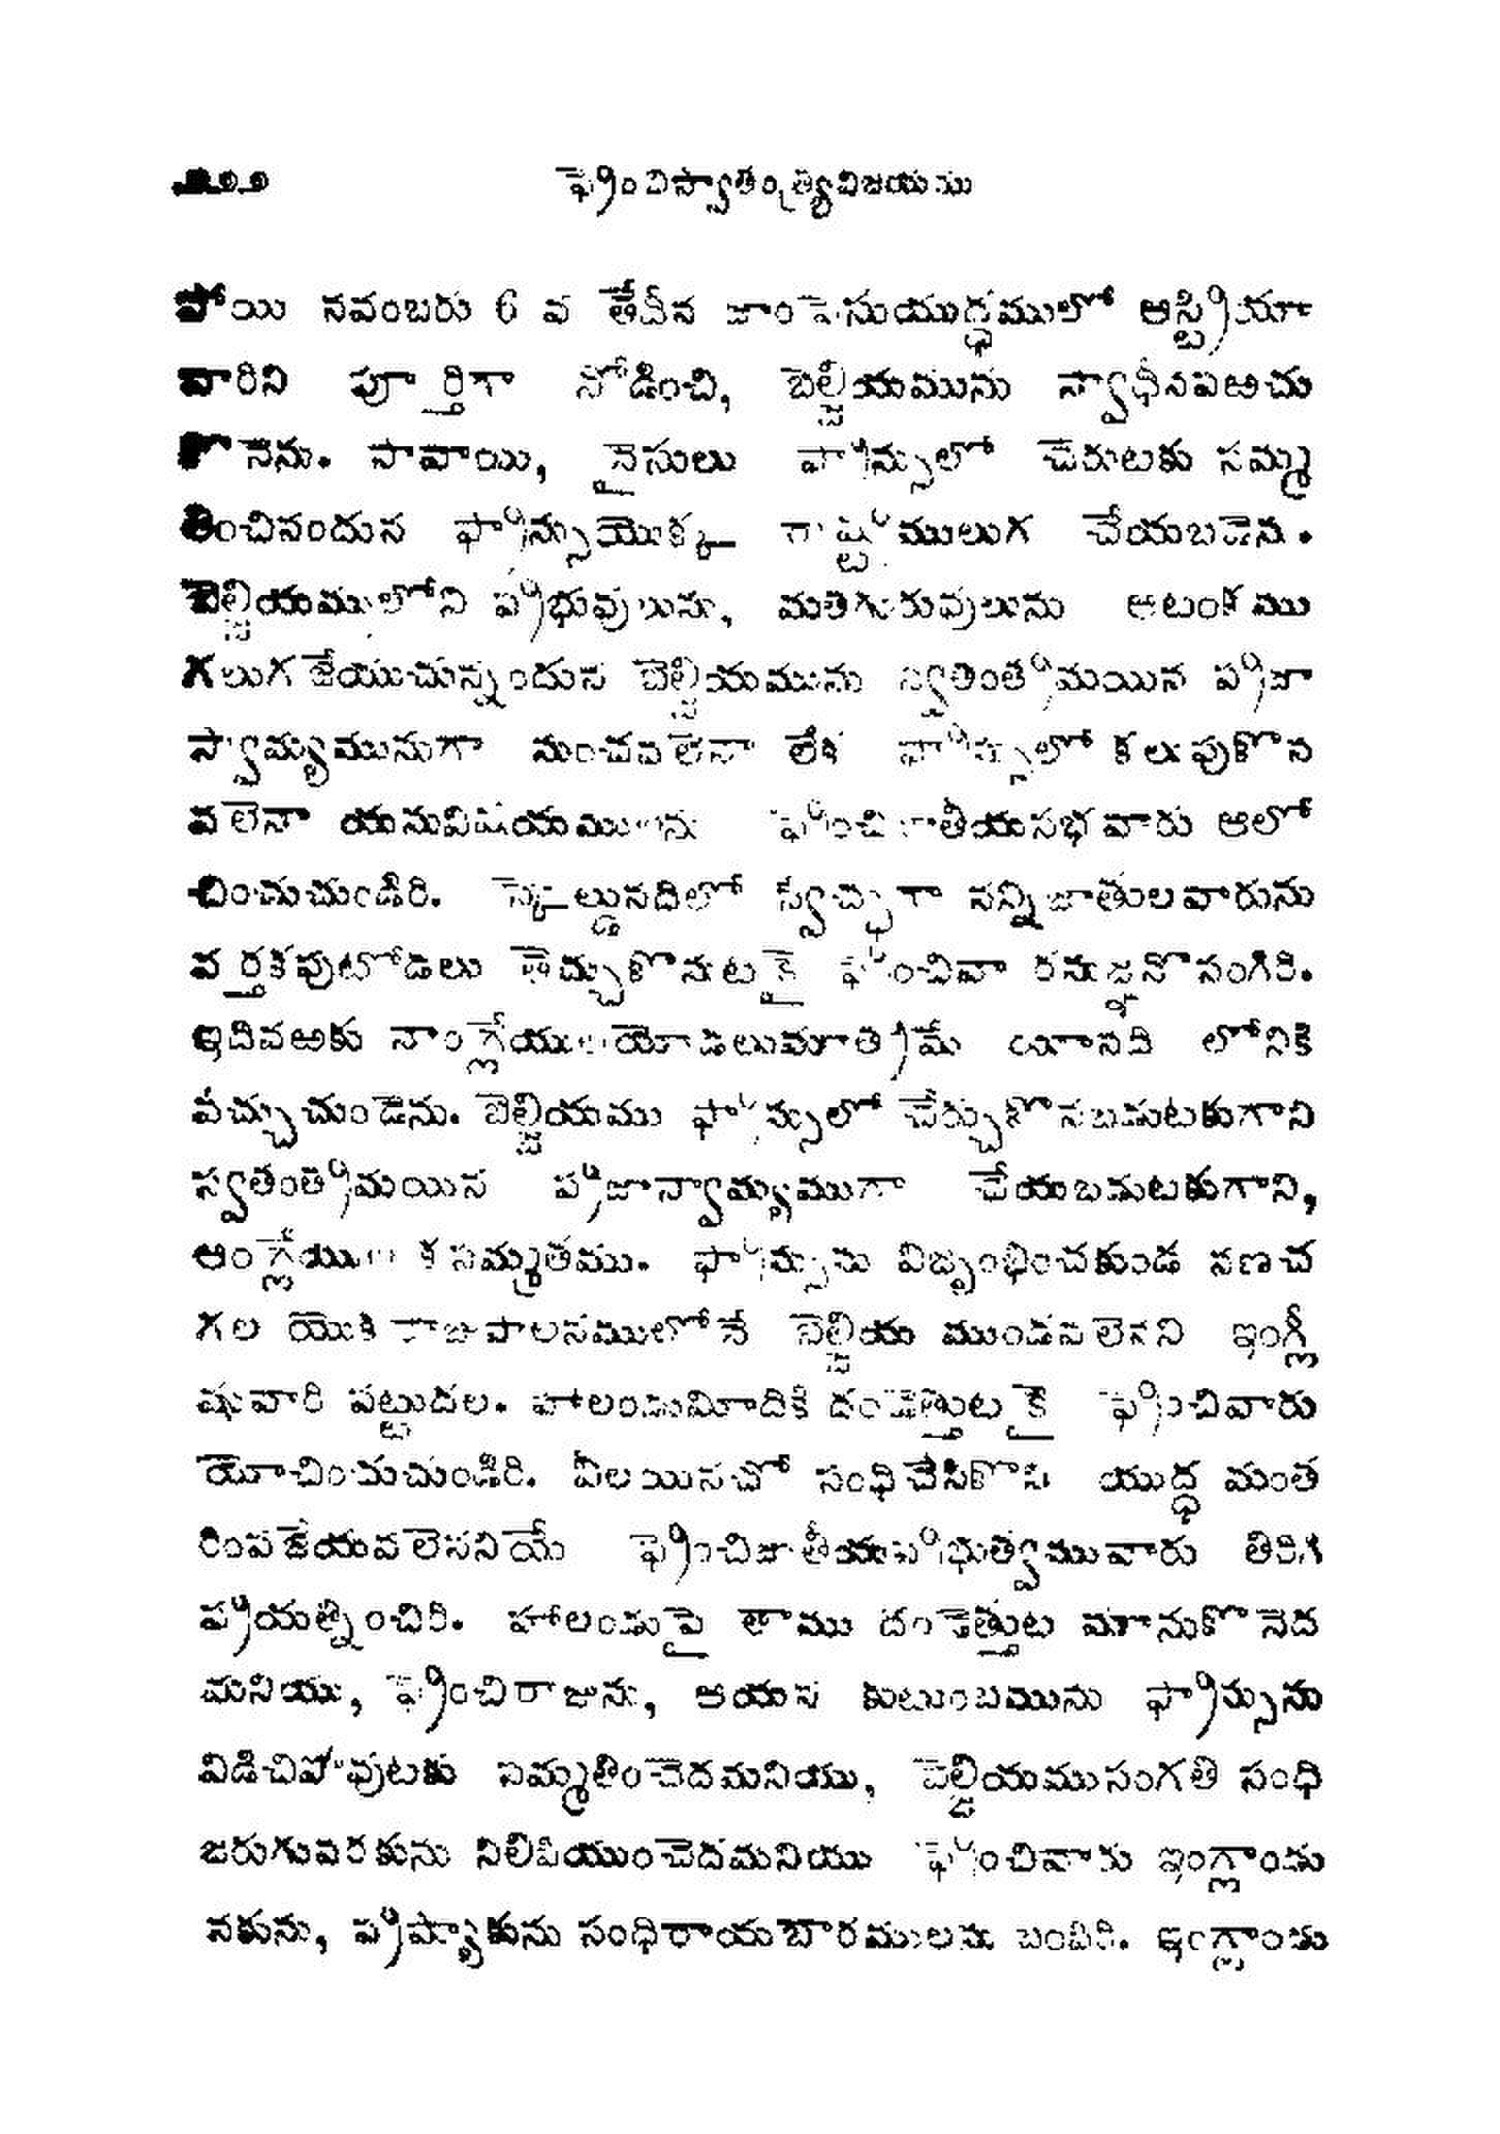పోయి నవంబరు 6 వ తేదీన జాంపెను యుద్ధములో ఆస్ట్రియా
వారిని పూర్తిగా నోడించి, బెల్జియమును స్వాధీన పఱచు
కొనెను. సావాయి, నైసులు పాన్సులో చేరుటకు సమ్మ
తించినందున ప్రాన్సు యొక్క రాష్ట్రములుగ చేయబడెను .
బెల్లీయము లోని ప్రభువులును, మతగురువులును ఆటంకము
గలుగ జేయుచున్నందున బెల్జియమును స్వంతంత్ర మయిన ప్రజా
స్వామ్యమునుగా నుంచవలేనా లేక ఫ్రాస్సులో కలుపుకొన
వలెనా యనువిషయములను ఫ్రెంచి జాతీయసభవారు ఆలో
చించుచుండిరి. స్కెల్టునదిలో స్వేచ్ఛగా సన్ని జాతుల వారును
వర్తక ఫు టోడలు తెచ్చుకొనుటకై ఫ్రెంచివా రనుజ్ఞనొసంగిరి.
ఇదివఱకు నాంగ్లేయుల యోడలు మాత్రమే యీసది లోనికి
వచ్చుచుండెను. బెల్జియము ఫ్రాన్సులో చేర్చుకొన బడుటకుగానీ
స్వతంతమయిన ప్రజాస్వామ్యముగా చేయబడుటకుగాని,
ఆంగ్లేయుల కసమ్మతము. ఫ్రాంన్సును విజృంభించకుండ సణచ
గల యొక రాజు పాలసములోనే బెల్జియ ముండ వలెనని ఇంగ్లీ
షువారి పట్టుదల. పోలండు. మీదికి దండెత్తుటకై ఫ్రెంచివారు
యోచించుచుండిరి. వీలయినచో సంధి చేసికొని యుద్ధ మంత
రింపజేయవ లెసనియే ఫ్రెంచి జాతీయ ప్రభుత్వమువారు తిరిగి
ప్రయత్నించిరి. హాలండు పై తాము దండెత్తుట మానుకొనెద
మనియు, ఫ్రెంచి రాజును, ఆయన కుటుంబమును ఫ్రాన్సును
విడిచిపోవుటకు సమ్మతించెదమనియు, బెల్జియము సంగతి సంధి
జరుగుపరకును నిలిపి యుంచెదమనియు ఫ్రెంచివారు ఇంగ్లాండు
నకును, ప్రష్యాకును సంధి రాయబారములను బంపిరి.. ఇంగ్లాండు